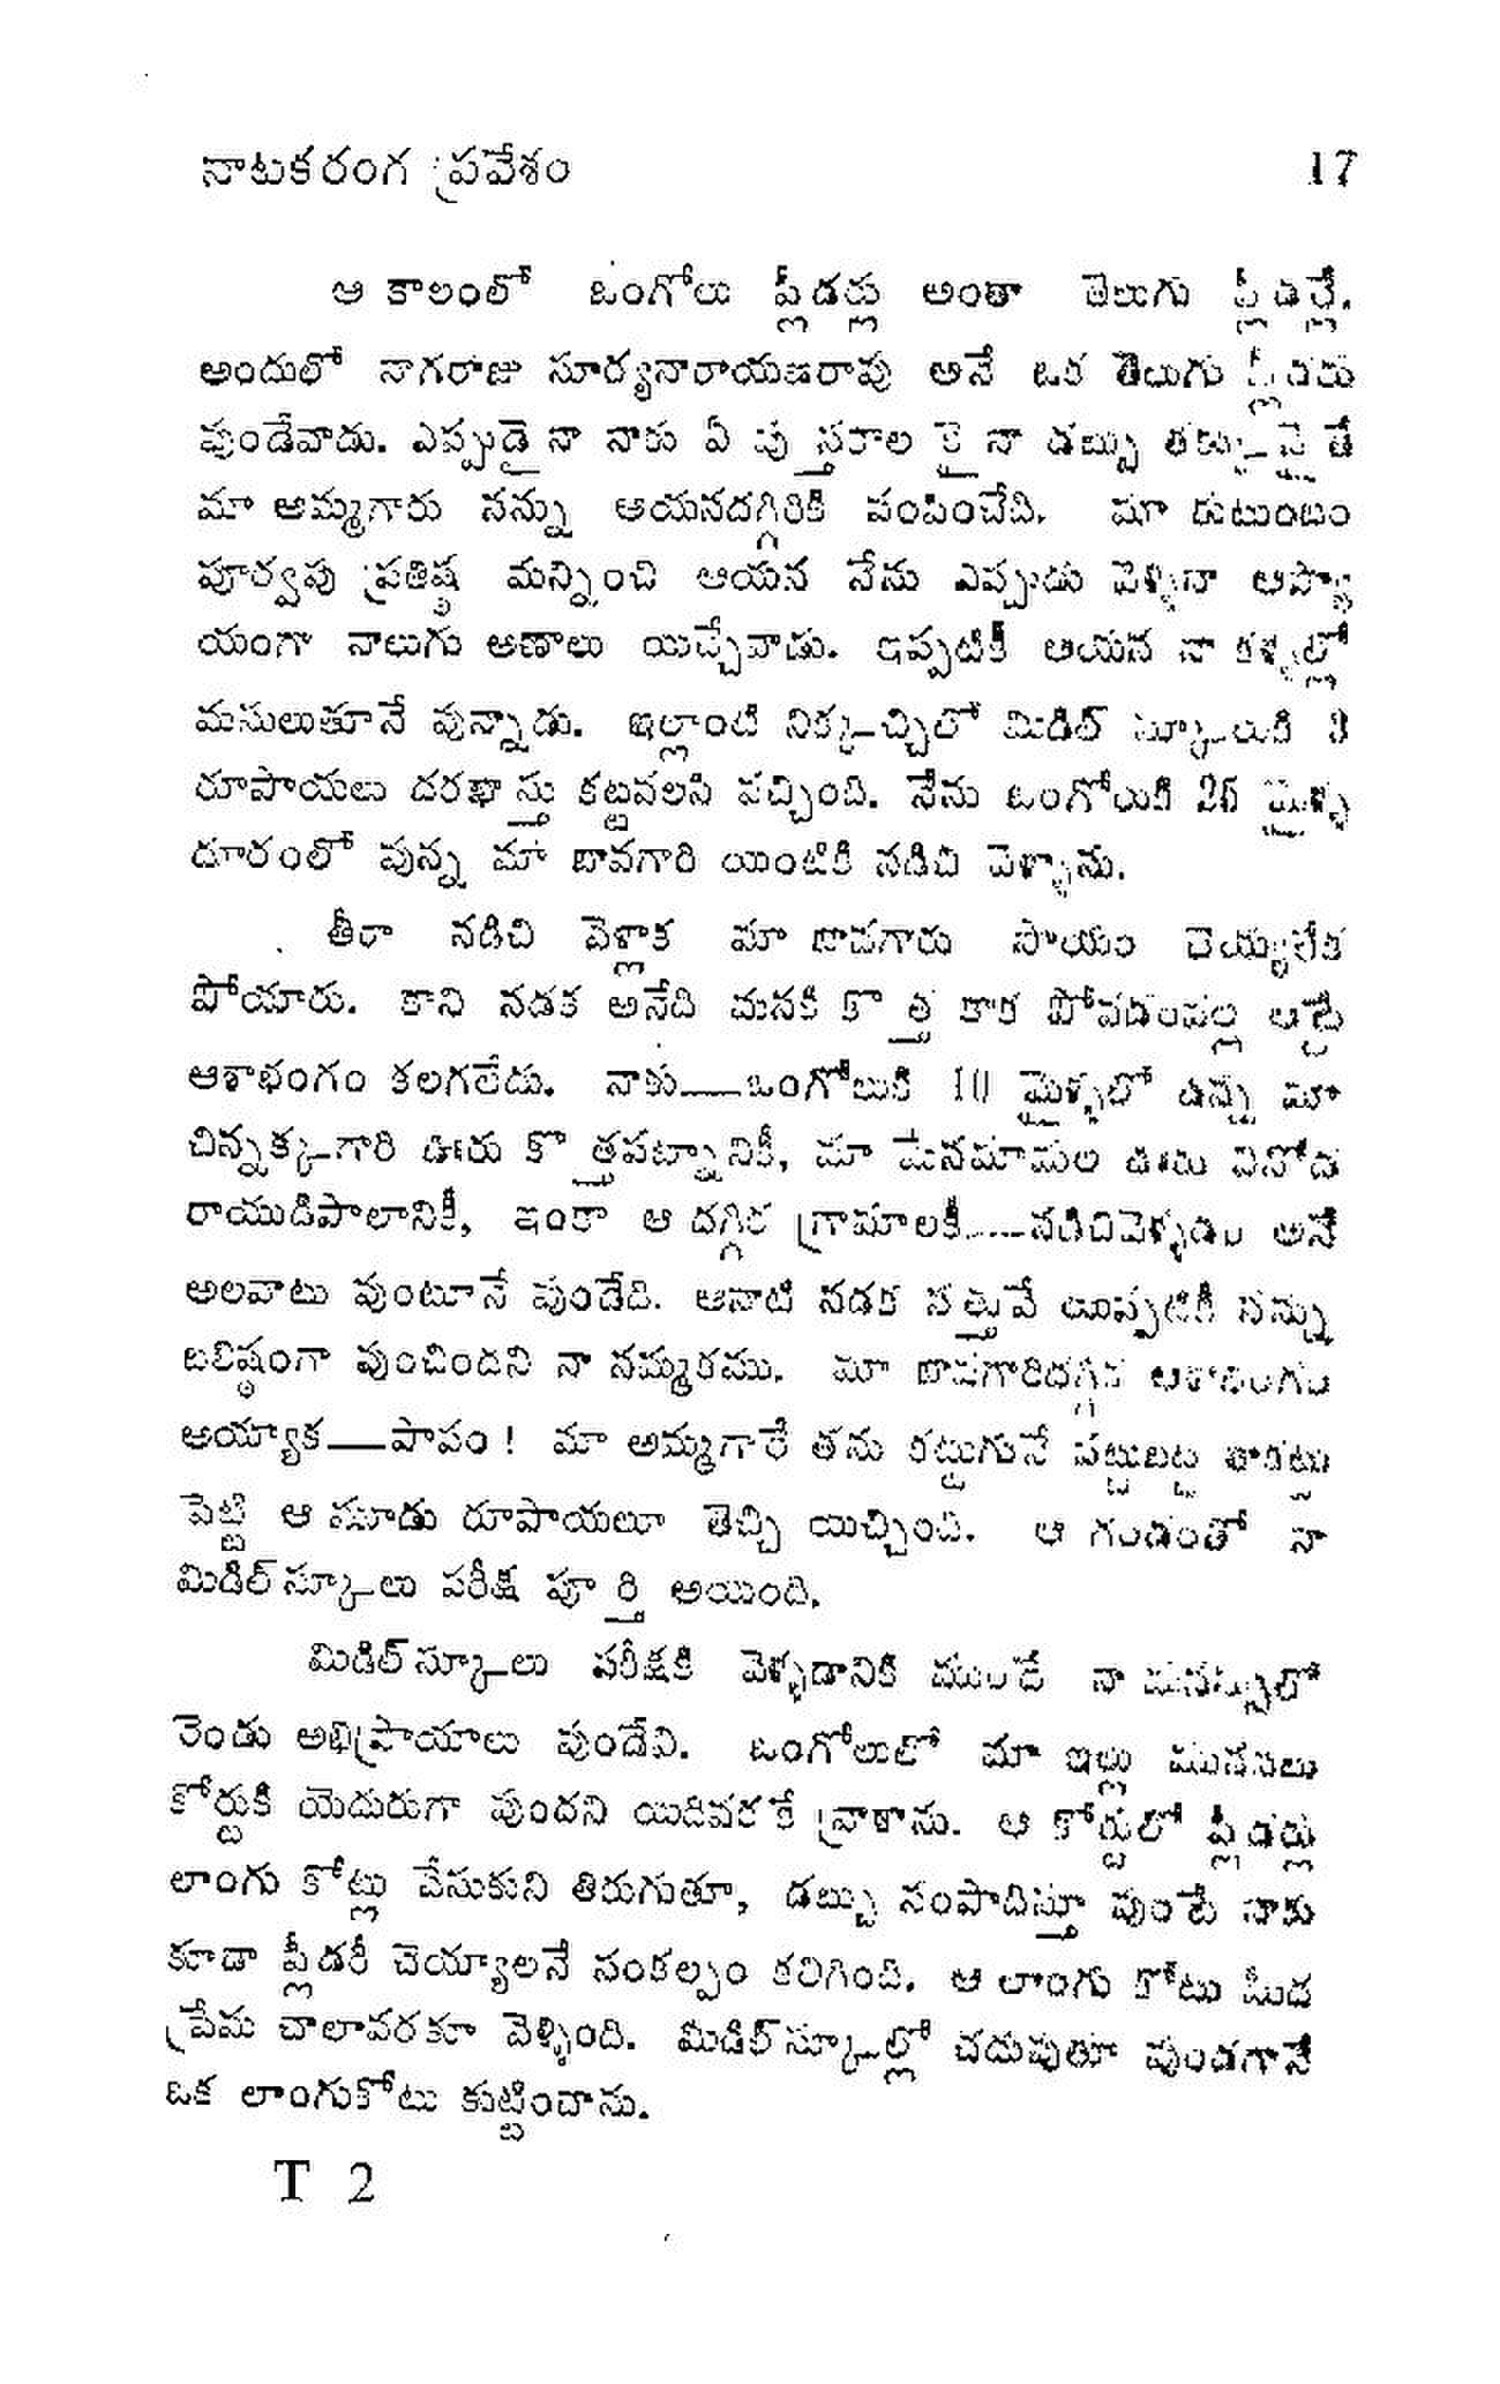ఆ కాలంలో ఒంగోలు ప్లీడర్లు అంతా తెలుగు ప్లీడర్లే. అందులో నాగరాజు సూర్యనారాయణరావు అనే ఒక తెలుగు ప్లీడరు ఉండేవాడు. ఎప్పుడైనా నాకు ఏ పుస్తకాలకైనా డబ్బు తక్కువైతే మా అమ్మగారు నన్ను ఆయన దగ్గరకు పంపించేది. మా కుటుంబం పూర్వపు ప్రతిష్ఠ మన్నించి ఆయన నేను ఎప్పుడు వెళ్ళినా ఆప్యాయంగా నాలుగు అణాలు ఇచ్చేవాడు. ఇప్పటికీ ఆయన నా కళ్ళలో మసులుతూనే వున్నాడు. ఇల్లాంటి నిక్కచ్చిలో మిడిల్ స్కూలుకి 3 రూపాయలు దరఖాస్తు కట్టవలసి వచ్చింది. నేను ఒంగోలుకి 35 మైళ్ళ దూరంలో వున్న మా బావగారి యింటికి నడిచి వెళ్ళాను.

తీరా నడిచి వెళ్ళాక మా బావగారు సాయం చెయ్యలేకపొయ్యారు. కాని నడక అనేది మనకి కొత్త కాక పోవడంవల్ల అట్టే ఆశాభంగం కలగలేదు. నాకు ఒంగోలుకి 10 మైళ్ళలో ఉన్న మా చిన్నక్కగారి ఊరు కొత్తపట్నానికి, మా మేనమామల ఊరు వినోదరాయడిపాలానికి, ఇంకా ఆ దగ్గిర గ్రామాలకీ... నడిచివెళ్ళడం అనే అలవాటు వుంటూనే వుండేది. ఆ నాటి నడక సత్తువే యిప్పటికీ నన్ను బలిష్టంగా వుంచిందని నా నమ్మకము. మా బావగారి దగ్గిర ఆశాభంగం అయ్యాక -- పాపం! మా అమ్మగారే తను కట్టుగునే పట్టుబట్ట తాకట్టు పెట్టి ఆ మూడు రూపాయలు తెచ్చి ఇచ్చింది. ఆ గండంతో నా మిడిల్ స్కూలు పరీక్ష పూర్తి అయింది.

మిడిల్ స్కూలు పరీక్షకి వెళ్ళడానికి ముందే నా మనస్సులో రెండు అభిప్రాయాలు వుండేవి. ఒంగోలులో మా ఇల్లు మునసబు కోర్టుకి యెదురుగా వుందని ఇదివరకే వ్రాశాను. ఆ కోర్టులో ప్లీడర్లు లాంగు కోట్లు వేసుకుని తిరుగుతూ, డబ్బు సంపాదిస్తూ వుంటే నాకు కూడా ప్లీడరీ చెయ్యాలనే సంకల్పం కలిగింది. ఆ లాంగు కోటు మీద ప్రేమ చాలావరకు వెళ్ళింది. మిడిల్ స్కూల్లో చదువుతూ వుండగానే ఒక లాంగుకోటు కుట్టించాను.